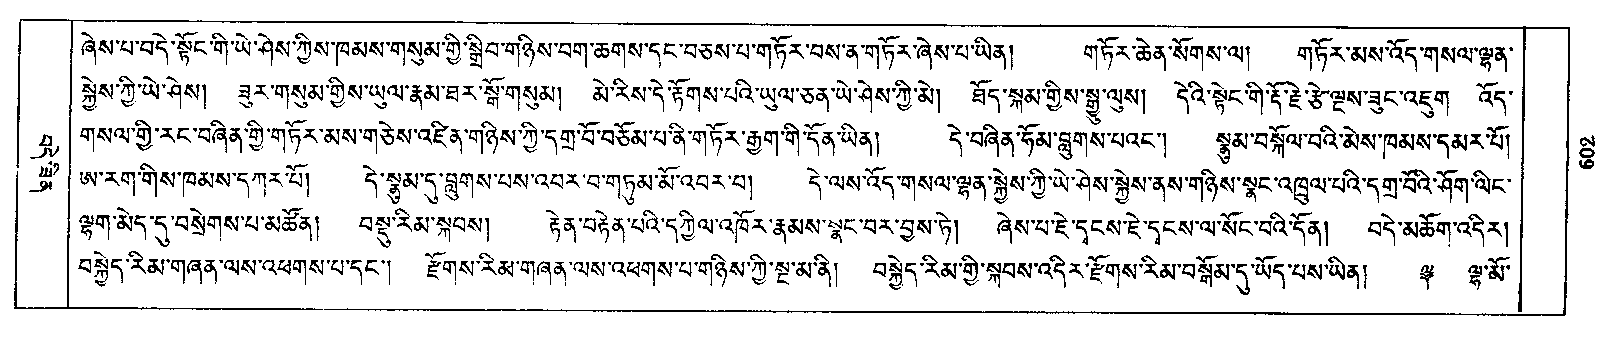ཞེས་པ་བདེ་སྟོང་གི་ཡེ་ཤེས་ཀྱིས་ཁམས་གསུམ་གྱི་སྒྲིབ་གཉིས་བག་ཆགས་དང་བཅས་པ་གཏོར་བས་ན་གཏོར་ཞེས་པ་ཡིན། གཏོར་ཆེན་སོགས་ལ། གཏོར་མས་འོད་གསལ་ལྷན་
སྐྱེས་ཀྱི་ཡེ་ཤེས། ཟུར་གསུམ་གྱིས་ཡུལ་རྣམ་ཐར་སྒོ་གསུམ། མེ་རིས་དེ་རྟོགས་པའི་ཡུལ་ཅན་ཡེ་ཤེས་ཀྱི་མེ། ཐོད་སྐམ་གྱིས་སྒྱུ་ལུས། དེའི་སྟེང་གི་རྡོ་རྗེ་རྩེ་ལྔས་ཟུང་འཇུག་འོད་
གསལ་གྱི་རང་བཞིན་གྱི་གཏོར་མས་གཅེས་འཛིན་གཉིས་ཀྱི་དགྲ་བོ་བཅོམ་པ་ནི་གཏོར་རྒྱག་གི་དོན་ཡིན། དེ་བཞིན་ཧོམ་བླུགས་པའང་། སྣུམ་བསྐོལ་བའི་མེས་ཁམས་དམར་པོ།
ཨ་རག་གིས་ཁམས་དཀར་པོ། དེ་སྣུམ་དུ་བླུགས་པས་འབར་བ་གཏུམ་མོ་འབར་བ། དེ་ལས་འོད་གསལ་ལྷན་སྐྱེས་ཀྱི་ཡེ་ཤེས་སྐྱེས་ནས་གཉིས་སྣང་འཁྲུལ་པའི་དགྲ་བོའི་ཤོག་ལིང་
ལྷག་མེད་དུ་བསྲེགས་པ་མཚོན། བསྡུ་རིམ་སྐབས། རྟེན་བརྟེན་པའི་དཀྱིལ་འཁོར་རྣམས་སྣང་བར་བྱས་ཏེ། ཞེས་པ་ཇེ་དྭངས་ཇེ་དྭངས་ལ་སོང་བའི་དོན། བདེ་མཆོག་འདིར།
བསྐྱེད་རིམ་གཞན་ལས་འཕགས་པ་དང་། རྫོགས་རིམ་གཞན་ལས་འཕགས་པ་གཉིས་ཀྱི་སྔ་མ་ནི། བསྐྱེད་རིམ་གྱི་སྐབས་འདིར་རྫོགས་རིམ་བསྒོམ་དུ་ཡོད་པས་ཡིན། ༈ ལྷ་མོ་